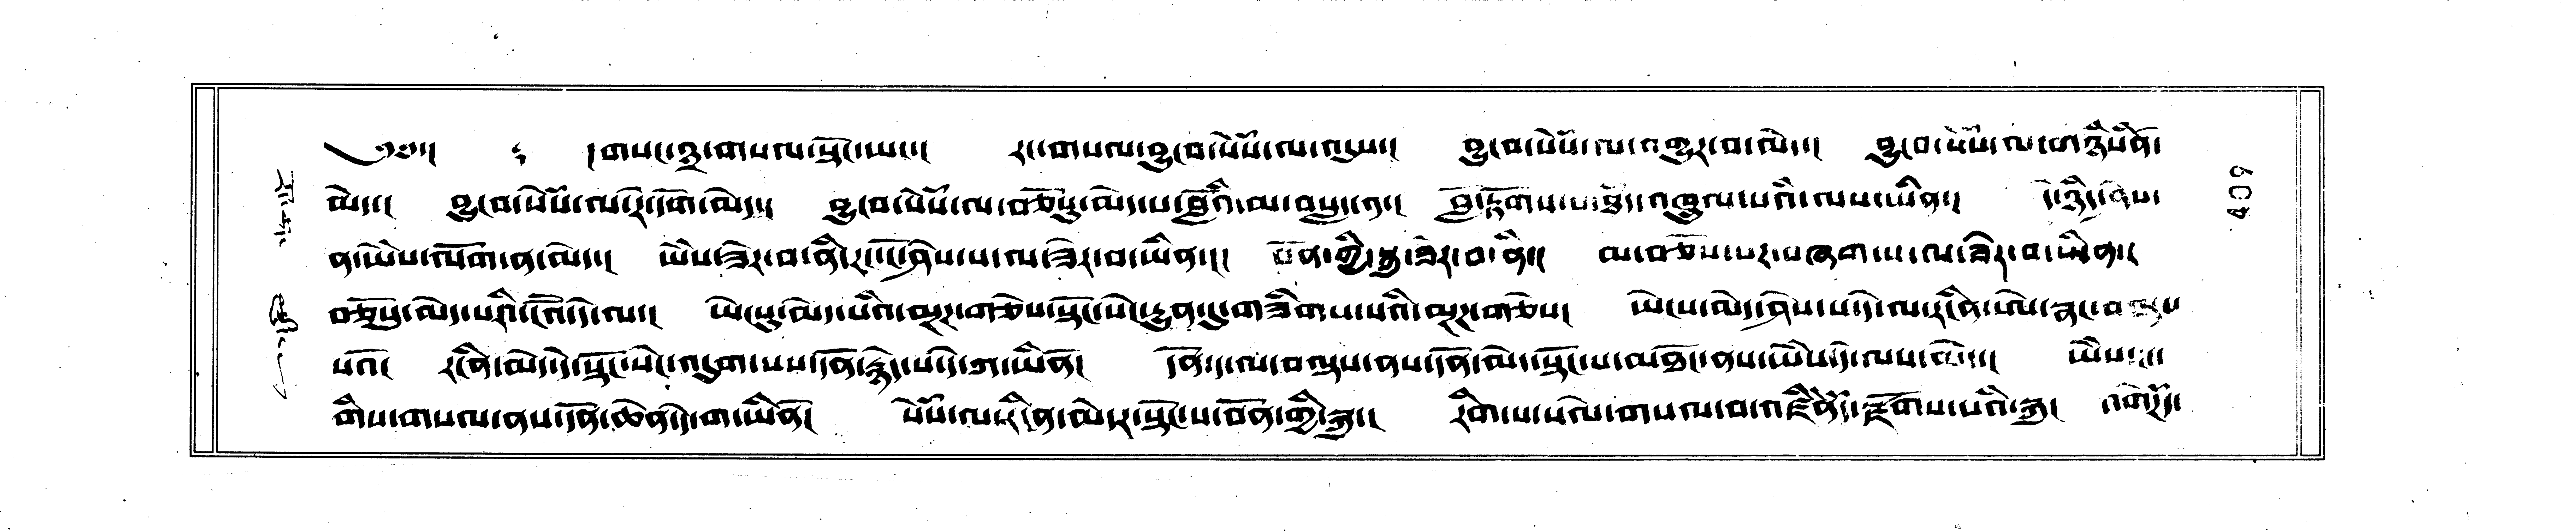གསང་གསུམ་གསལ་སྟོང་ཡང་། རང་གསལ་བྱང་ཆུབ་སེམས་ལ་འདུས། བྱང་ཆུབ་སེམས་ལ་འགྱུར་བ་མེད། བྱང་ཆུབ་སེམས་ལ་གཉིས་འཛིན་
མེད། བྱང་ཆུབ་སེམས་ལ་རེ་དོག་མེད། བྱང་ཆུབ་སེམས་ལ་བཅོས་སུ་མེད། བཅོས་སུ་མེད་པའི་བློའི་མ་བསླད་ཅིག བློ་རྟོག་པ་ཐམས་ཅད་འཁྲུལ་པའི་ལས་ཡིན། དེ་ཉིད་ཤེས་
ན་ཡེ་ཤེས་ལོག་ན་མེད། ཡེ་ཤེས་ཟེར་བ་ནི་རང་ངོ་ཤེས་པ་ལ་ཟེར་བ་ཡིན། བོན་སྐུ་ཟེར་བ་ནི་ མ་བཅོས་པར་བཞག་པ་ལ་ཟེར་བ་ཡིན། 
བཅོས་སུ་མེད་པའི་ངོའོ་དེ་ལ་ཡེངས་སུ་མེད་པའི་ཤེས་པ་རྒྱུན་དུ་གཟིགས་པའི་མེན་ངག་གཅེས། ཡེངས་མེད་ཀྱིས་ཤེས་པ་དེ་ལ་རང་བཞིན་ཨེ་སྣང་ཡང་ལྟ་
བའོ། རང་བཞིན་མེད་དེ་སྟོང་སང་ངེ་འདུག་ན། དོན་རྙེད་པ་དེ་ཀ་ཡིན་ནོ། དོན་ལ་བལྟས་ནས་དངོས་མེད་སྟོང་པ་མཐོང་ནས་ཡེ་ཤེས་དེ་ལས་མེད། ཡེ་ཤེས་ངང
གིས་གསལ་ན་དོན་ཆེན་དེ་ཀ་ཡིན། སེམས་ལ་རང་བཞིན་མེད་པས་སྟོང་པ་བོན་གྱི་སྐུ། རིག་པ་སལེ་གསལ་‘‘བ་”འཛིན་མེད་རྫོགས་པའི་སྐུ། འགག་མེད་